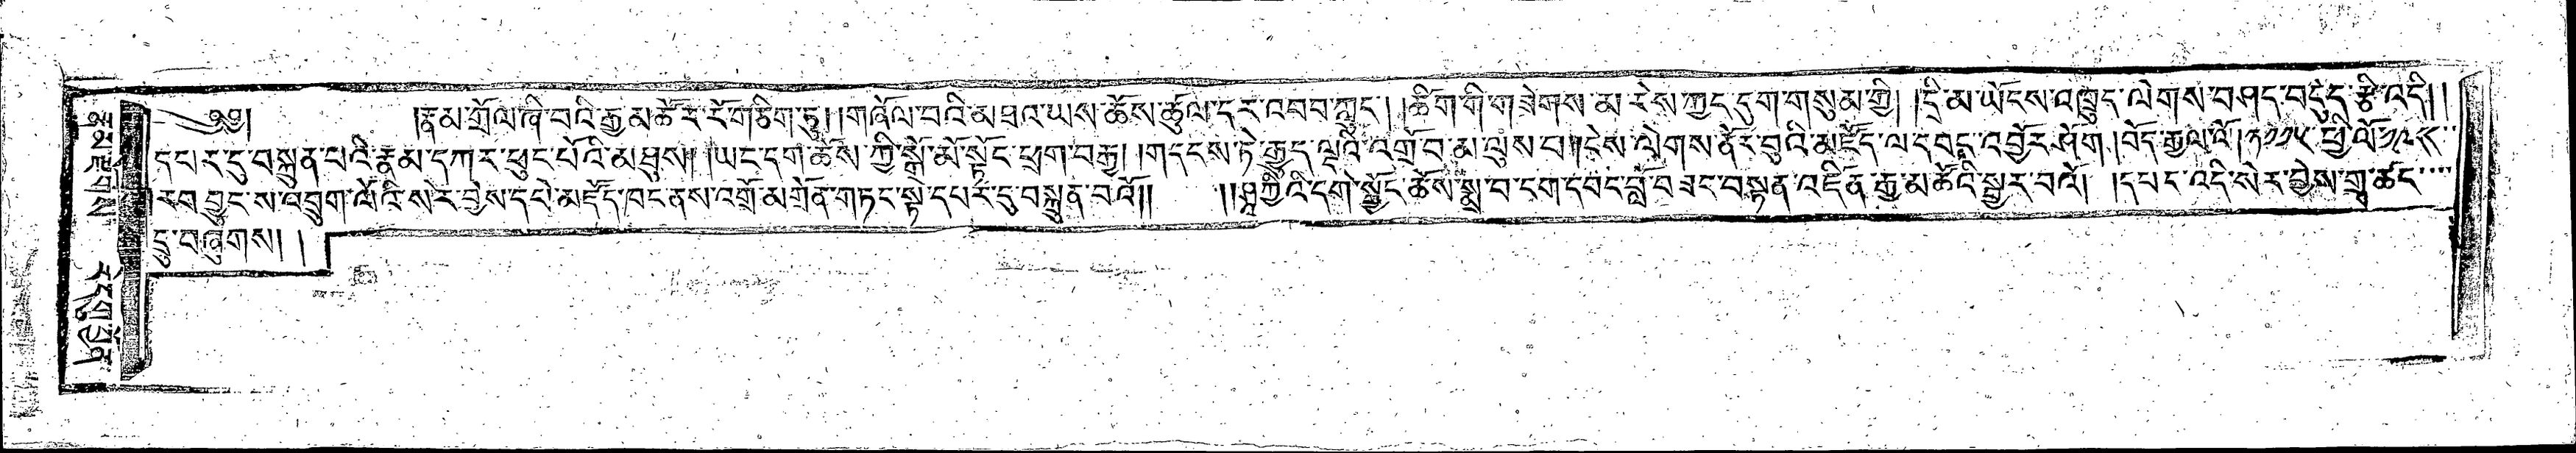༄༅། །རྣམ་གྲོལ་ཞི་བའི་རྒྱ་མཚོར་རོ་གཅིག་ཏུ། །གཞོལ་བའི་མཐའ་ཡས་ཆོས་ཚུལ་དར་འབབ་ཀླུང་། །ཚིག་གི་གཟེགས་མ་རེས་ཀྱང་དུག་གསུམ་གྱི། །དྲི་མ་ཡོངས་འཁྲུད་ལེགས་བཤད་བདུད་རྩི་འདི། །
དཔར་དུ་བསྐྲུན་པའི་རྣམ་དཀར་ཕུང་པོའི་མཐུས། །ཡང་དག་ཆོས་ཀྱི་སྒོ་མོ་སྟོང་ཕྲག་བརྒྱ། །གདངས་ཏེ་རྒྱུད་ལྔའི་འགྲོ་བ་མ་ལུས་པ། །ངེས་ལེགས་ནོར་བུའི་མཛོད་ལ་དབང་འབྱོར་ཤོག །བོད་རྒྱལ་ལོ། ༢༡༡༥་ཕྱིར་ལོ ༡༩༨༨
རབ་བྱུང་ས་འབྲུག་ལོའི་སེར་བྱེས་དཔེ་མཛོད་ཁང་ནས་འགྲོ་གྲོན་གཏང་སྟེ་དཔར་དུ་བསྐྲུན་པའོ།། །།ཤྰྐྱའི་དགེ་སྦྱོང་ཆོས་སྨྲ་བ་ངག་དབང་བློ་བཟང་བསྟན་འཛིན་རྒྱ་མཚོས་སྦྱར་བའོ། །དཔར་འདི་སེར་བྱེས་གྲྭ་ཚང་
དྲུ་བཞུགས།